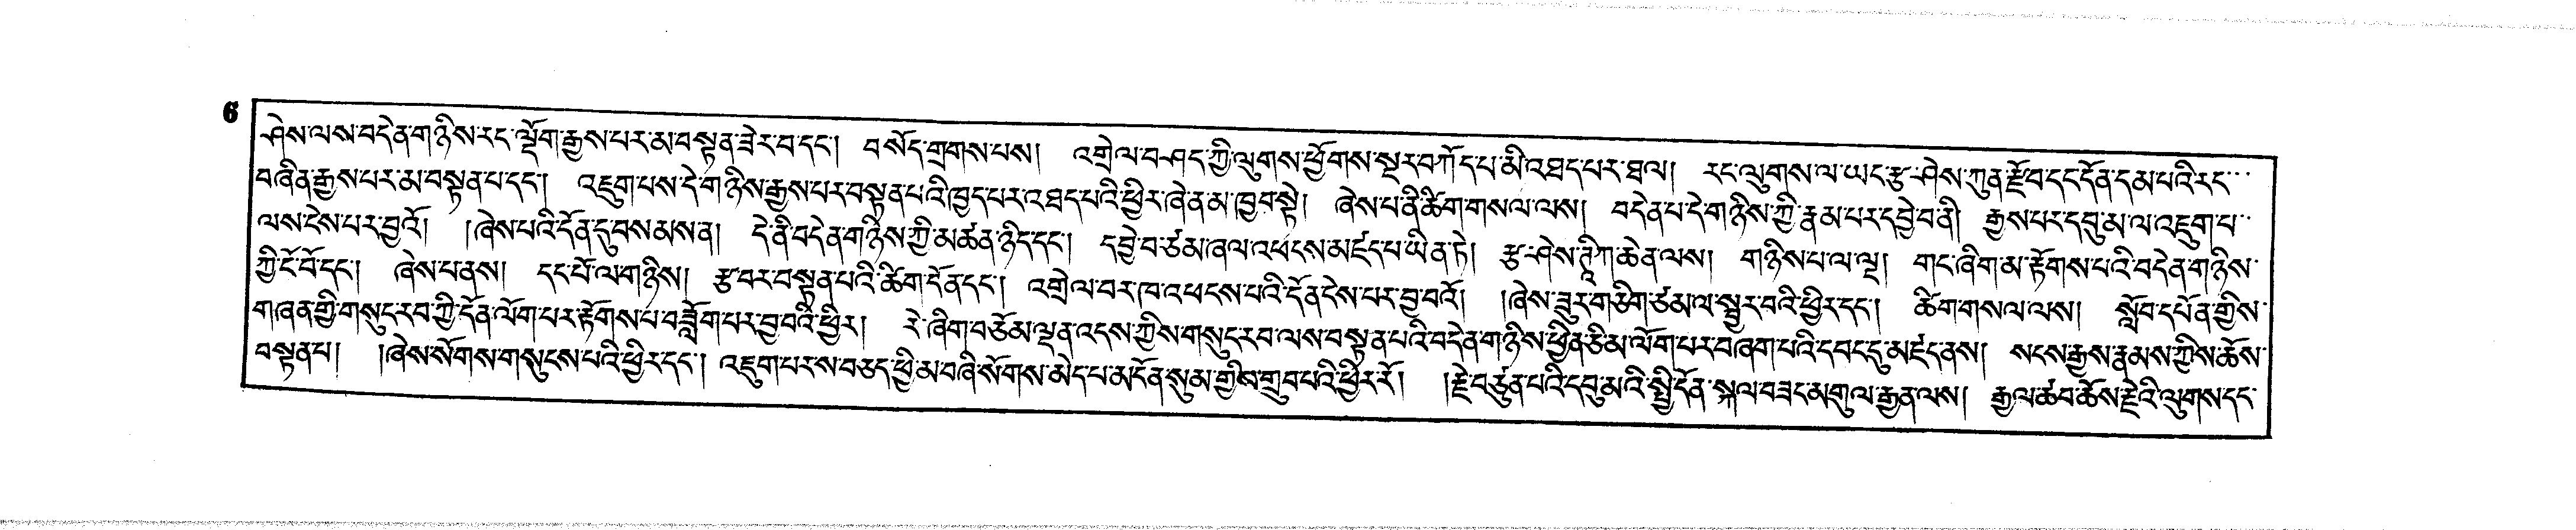ཤེས་ལས་བདེན་གཉིས་རང་ལྡོག་རྒྱས་པར་མ་བསྟན་ཟེར་བ་དང་། བསོད་གྲགས་པས། འགྲེལ་བཤད་ཀྱི་ལུགས་ཕྱོགས་སྔར་བཀོད་པ་མི་འཐད་པར་ཐལ། རང་ལུགས་ལ་ཡང་རྩ་ཤེས་ཀུན་རྫོབ་དང་དོན་དམ་པའི་རང་
བཞིན་རྒྱས་པར་མ་བསྟན་པ་དང་། འཇུག་པས་དེ་གཉིས་རྒྱས་པར་བསྟན་པའི་ཁྱད་པར་འཐད་པའི་ཕྱིར་ཞེ་ན་མ་ཁྱབ་སྟེ། ཞེས་པ་ནི་ཚིག་གསལ་ལས། བདེན་པ་དེ་གཉིས་ཀྱི་རྣམ་པར་དབྱེ་བ་ནི། རྒྱས་པར་དབུ་མ་ལ་འཇུག་པ་
ལས་ངེས་པར་བྱའོ། །ཞེས་པའི་དོན་དུ་བསམས་ན། དེ་ནི་བདེན་གཉིས་ཀྱི་མཚན་ཉིད་དང་། དབྱེ་བ་ཙམ་ཞལ་འཕངས་མཛད་པ་ཡིན་ཏེ། རྩ་ཤེས་ཊཱིཀ་ཆེན་ལས། གཉིས་པ་ལ་ལྔ། གང་ཞིག་མ་རྟོགས་པའི་བདེན་གཉིས་
ཀྱི་ངོ་བོ་དང་། ཞེས་པ་ནས། དང་པོ་ལ་གཉིས། རྩ་བར་བསྟན་པའི་ཚིག་དོན་དང་། འགྲེལ་བར་ཁ་འཕངས་པའི་དོན་ངེས་པར་བྱ་བའོ། །ཞེས་ཟུར་གཅིག་ཙམ་ལ་སྦྱར་བའི་ཕྱིར་དང་། ཚིག་གསལ་ལས། སློབ་དཔོན་གྱིས་
གཞན་གྱི་གསུང་རབ་ཀྱི་དོན་ལོག་པར་རྟོགས་པ་བཟློག་པར་བྱ་བའི་ཕྱིར། རེ་ཞིག་བཅོམ་ལྡན་འདས་ཀྱིས་གསུང་རབ་ལས་བསྟན་པའི་བདེན་གཉིས་ཕྱིན་ཅི་མ་ལོག་པར་བཞག་པའི་དབང་དུ་མཛད་ནས། སངས་རྒྱས་རྣམས་ཀྱིས་ཆོས་
བསྟན་པ། །ཞེས་སོགས་གསུངས་པའི་ཕྱིར་དང་། འཇུག་པར་ས་བཅད་ཕྱི་མ་བཞི་སོགས་མེད་པ་མངོན་སུམ་གྱིས་གྲུབ་པའི་ཕྱིར་རོ། །རྗེ་བཙུན་པའི་དབུ་མའི་སྤྱི་དོན་སྐལ་བཟང་མགུལ་རྒྱན་ལས། རྒྱལ་ཚབ་ཆོས་རྗེའི་ལུགས་དང་